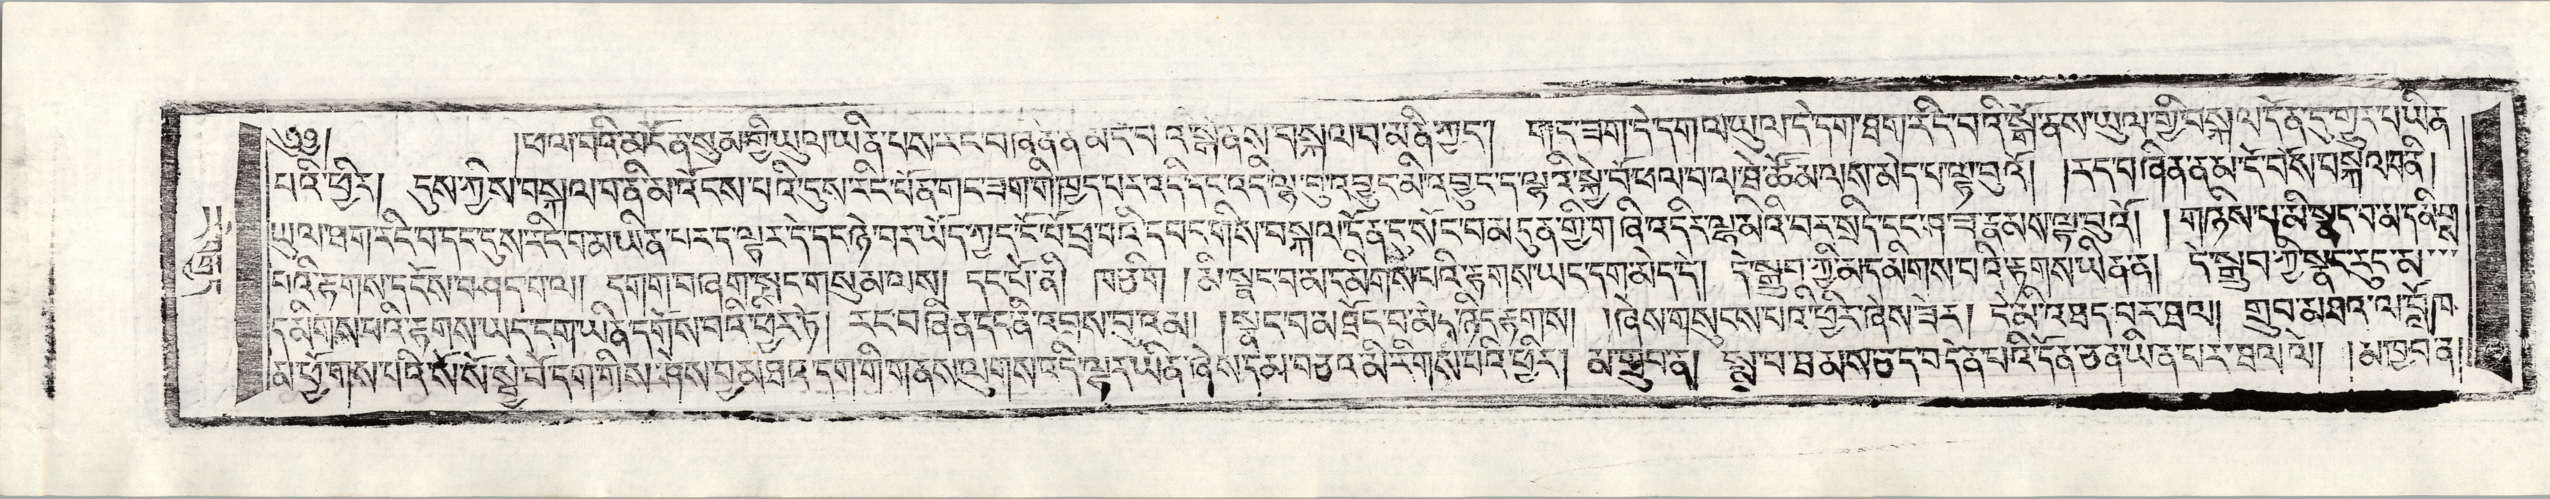༄༅། །ཕལ་བའི་མངོན་སུམ་གྱི་ཡུལ་ཡིན་པས་རང་བཞིན་ན་མ་ངོ་བོའི་སྒོ་ནས་བསྐལ་བ་མིན་ཀྱང་། གང་ཟག་དེ་དག་ལ་ཡུལ་དེ་དག་ཐག་རིང་བའི་སྒོ་ནས་ཡུལ་གྱི་བསྐལ་དོན་དུ་གྱུར་བ་ཡིན་
པའི་ཕྱིར། དུས་ཀྱིས་བསྐལ་བ་ནི་མ་འོངས་པའི་དུས་རིང་བོ་ན་གང་ཟག་གི་ཁྱད་པར་འདི་དང་འདི་ལྟ་བུ་འབྱུང་མི་འབྱུང་ད་ལྟའི་སྐྱེ་བོ་ཕལ་བ་ལ་ཐེ་ཚོམ་ལས་མེད་པ་ལྟ་བུའོ། །རང་བཞིན་ནམ་ངོ་བོས་བསྐལ་བ་ནི།
ཡུལ་ཐག་རིང་བ་དང་དུས་རིང་བ་མ་ཡིན་པར་ད་ལྟར་དེ་དང་ཉེ་བར་ཡོད་ཀྱང་ངོ་བོ་ཕྲ་བའི་དབང་གིས་བསྐལ་དོན་དུ་སོང་བ་མདུན་གྱི་གཞི་འདིར་ལྷ་མེའི་བར་སྲིད་དང་ཤ་ཟ་རྣམས་ལྟ་བུའོ། །གཉིས་པ་མི་སྣང་བ་མ་དམིགས་
པའི་རྟགས་དངོས་བཤད་པ་ལ། དགག་བཞག་སྤོང་གསུམ་ལས། དང་པོ་ནི། ཁ་ཅིག །མི་སྣང་བ་མ་དམིགས་པའི་རྟགས་ཡང་དག་མེད་དེ། དེ་སྒྲུབ་ཀྱི་མ་དམིགས་པའི་རྟགས་ཡིན་ན། དེ་སྒྲུབ་ཀྱི་སྣང་རུང་མ་
དམིགས་པའི་རྟགས་ཡང་དག་ཡིན་དགོས་པའི་ཕྱིར་ཏེ། རང་བཞིན་དང་ནི་འབྲས་བུའམ། །སྣང་བ་མཐོང་བ་མེད་ཉིད་རྟགས། །ཞེས་གསུངས་པའི་ཕྱིར་ཞེས་ཟེར། དེ་མི་འཐད་པར་ཐལ། གྲུབ་མཐའ་ལ་བློ་ཁ་
མ་ཕྱོགས་པའི་སོ་སོ་སྐྱེ་བོ་དག་གིས་ཤེས་བྱ་མཐའ་དག་གི་གནས་ལུགས་འདི་ལྟར་ཡིན་ཞེས་དམ་བཅའ་མི་རིགས་པའི་ཕྱིར། མ་གྲུབ་ན། སྨྲ་བ་ཐམས་ཅད་བདེན་པའི་དོན་ཅན་ཡིན་པར་ཐལ་ལོ། །མ་ཁྱབ་ན།